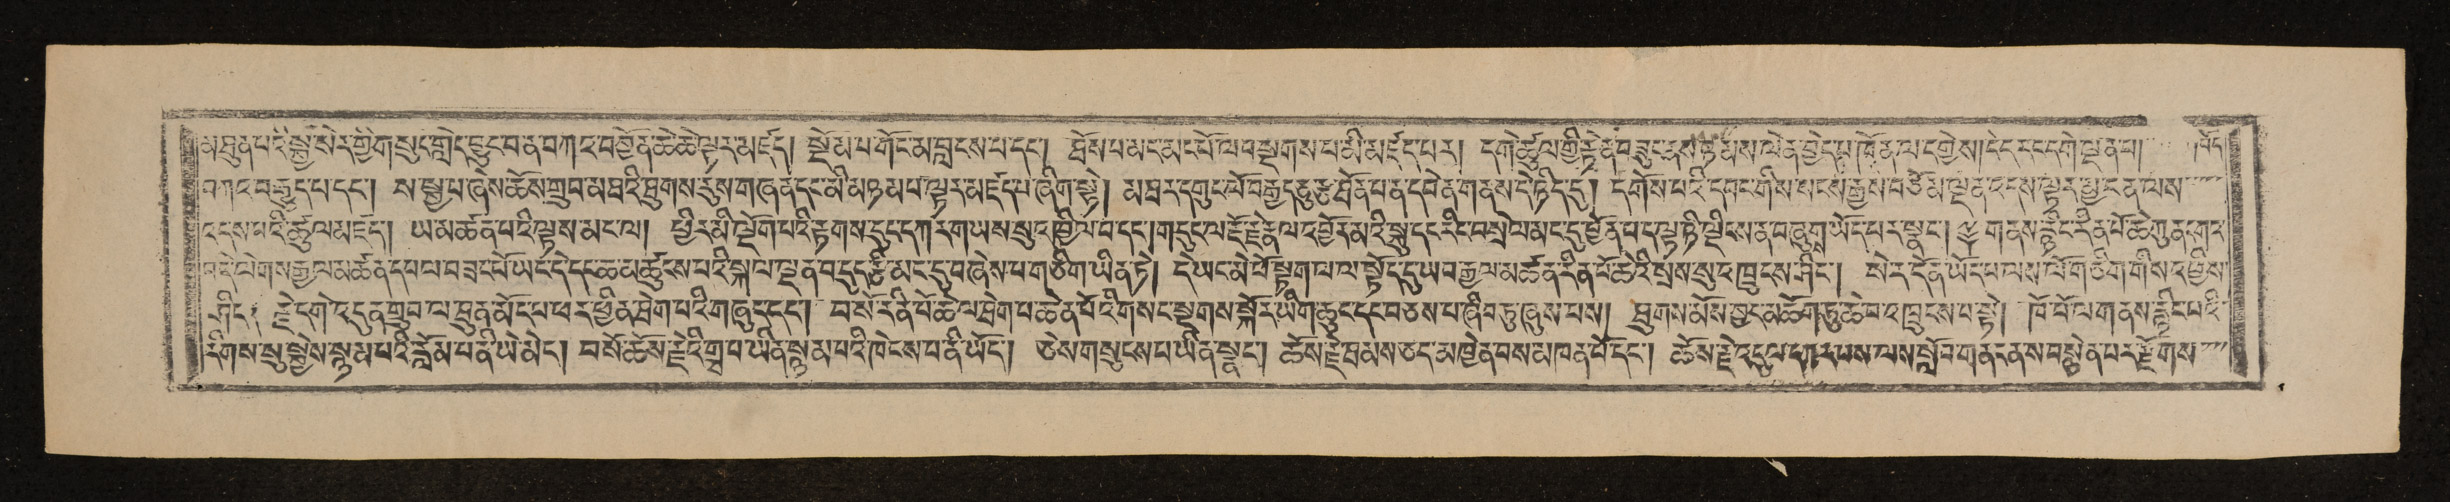མཐུན་པའི་སྐྱ་སེར་གྱི་གསུང་གླེང་བྱུང་བ་ན་བཀའ་བ་ཀྱོན་ཆེ་ཆེ་ལྟར་མཛད། སྡོམ་པ་གོང་མ་བླངས་པ་དང་། ཐོས་པ་མང་མང་པོ་ལ་བསྔགས་པ་མི་མཛད་པར། དགེ་ཚུལ་གྱི་རྟེན་བཟུང་ནས་ཉམས་ལན་བྱེད་པ་ཁོ་ན་ལ་དགྱེས། ངེད་རང་དགེ་ལྡན་པ། ཁོང་
བཀའ་བརྒྱུད་པ་དང་། ས་སྐྱ་པ་ཞེས་ཆོས་གྲུབ་མཐའི་ཐུགས་རུས་གཞན་དང་མི་མཉམ་པ་ལྟར་མཛད་པ་ཞིག་སྟེ། མཐར་དགུང་ལོ་བརྒྱད་ཅུ་རྩ་ཐོན་པ་ན་དབེན་གནས་དེ་ཉིད་དུ། དགོས་པའི་དབང་གིས་སངས་རྒྱས་བཅོམ་ལྡན་འདས་ལྟར་མྱ་ངན་ལས་
འདས་པའི་ཚུལ་མཛད། ཡ་མཚན་པའི་ལྟས་མང་ལ། ཕྱིར་མི་ལྡོག་པའི་རྟགས་དུང་དཀར་གཡས་སུ་འཁྱིལ་བ་དང་། གདུང་ལ་རྡོ་རྗེ་རྣལ་འབྱོར་མའི་སྐུ་དང་རིང་བསྲེལ་མང་དུ་བྱོན་པ་ད་ལྟ་ཉི་ལྡིངས་ན་བཞུགས་ཡོད་པར་སྣང་། ༈ གནས་རྙིང་རིན་པོ་ཆེ་ཀུན་དགའ་
བདེ་ལེགས་རྒྱལ་མཚན་དཔལ་བཟང་པོ་ཡང་དེ་དང་ཆ་མཚུངས་པའི་སྐལ་ལྡན་བདུད་རྩི་མང་དུ་བཞེས་པ་གཅིག་ཡིན་ཏེ། དེ་ཡང་མེ་ཕོ་སྟག་ལ་ལ་སྟོད་དུ་ཡབ་རྒྱལ་མཚན་རིན་པོ་ཆེའི་སྲས་སུ་འཁྲུངས་ཤིང་། སེ་ར་དོན་ཡོད་པ་ལས་ལོ་གཅིག་གིས་འཕྱིས་
ཤིང༑ རྗེ་དགེ་འདུན་གྲུབ་ལ་ཐུན་མོང་པ་ཕར་ཕྱིན་ཐེག་པའི་གཞུང་དང་། བ་སོ་རིན་པོ་ཆེ་ལ་ཐེག་པ་ཆེན་པོའི་གསང་སྔགས་སྐོར་ཡིག་ཆུང་དང་བཅས་པ་ཞིབ་ཏུ་ཞུས་པས། ཐུགས་མོས་ཀྱང་མཆོག་ཏུ་ཆེ་བ་འཁྲུངས་པ་སྟེ། ཁོ་བོ་ལ་གནས་རྙིང་པའི་
རིགས་སུ་སྐྱེས་སྙམ་པའི་རློམ་པ་ནི་ཡེ་མེད། བ་སོ་ཆོས་རྗེའི་གྲྭ་པ་ཡིན་སྙམ་པའི་ཁེངས་པ་ནི་ཡོད། ཅེས་གསུངས་པ་ཡིན་སྣང་། ཆོས་རྗེ་ཐམས་ཅད་མཁྱེན་པས་མཁན་པོ་དང་། ཆོས་རྗེ་འདུལ་དཀར་པས་ལས་སློབ་གནང་ནས་བསྙེན་པར་རྫོགས་